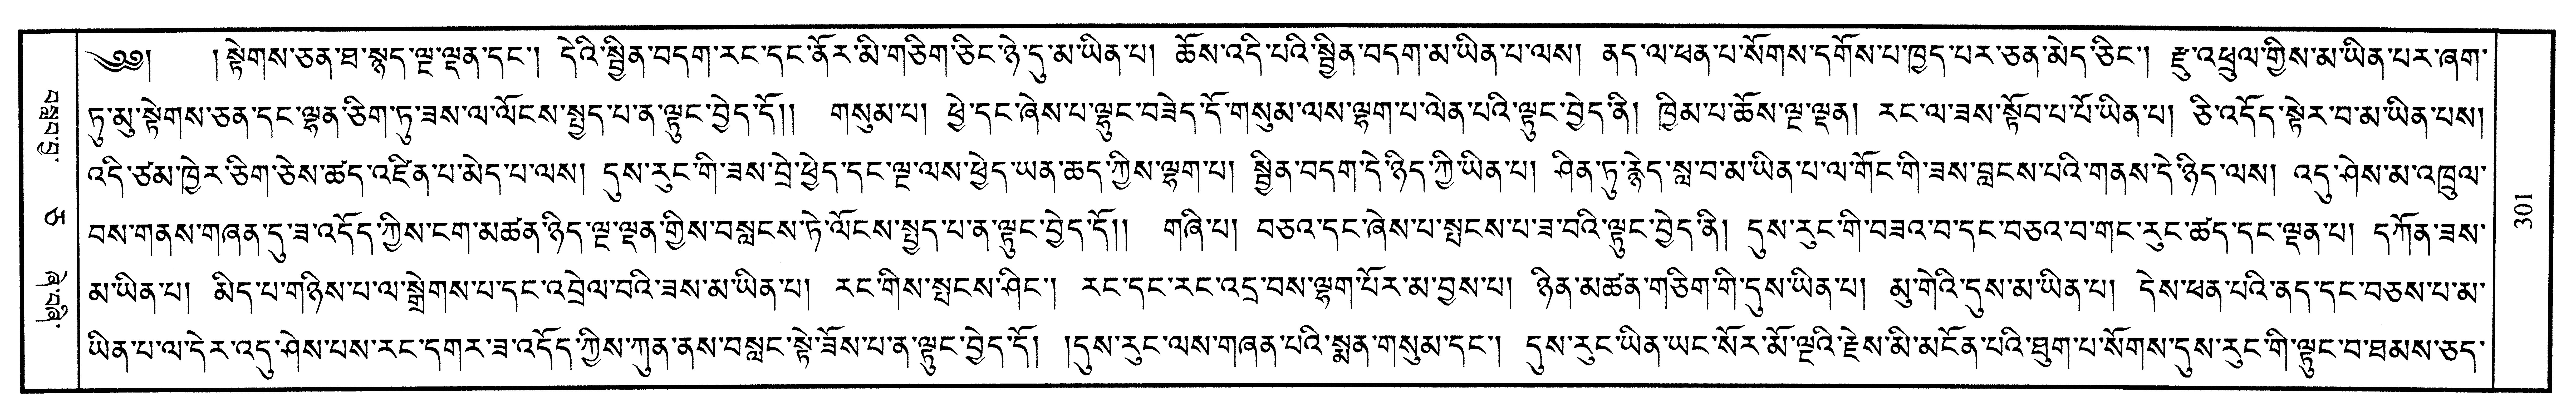༄༅། །སྟེགས་ཅན་ཐ་སྙད་ལྔ་ལྡན་དང་། དེའི་སྦྱིན་བདག་རང་དང་ནོར་མི་གཅིག་ཅིང་ཉེ་དུ་མ་ཡིན་པ། ཆོས་འདི་པའི་སྦྱིན་བདག་མ་ཡིན་པ་ལས། ནད་ལ་ཕན་པ་སོགས་དགོས་པ་ཁྱད་པར་ཅན་མེད་ཅིང་། རྫུ་འཕྲུལ་གྱིས་མ་ཡིན་པར་ཞག་
ཏུ་མུ་སྟེགས་ཅན་དང་ལྷན་ཅིག་ཏུ་ཟས་ལ་ལོངས་སྤྱད་པ་ན་ལྟུང་བྱེད་དོ།། གསུམ་པ། ཕྱེ་དང་ཞེས་པ་ལྷུང་བཟེད་དོ་གསུམ་ལས་ལྷག་པ་ལེན་པའི་ལྟུང་བྱེད་ནི། ཁྱིམ་པ་ཆོས་ལྔ་ལྡན། རང་ལ་ཟས་སྟོབ་པ་པོ་ཡིན་པ། ཅི་འདོད་སྟེར་བ་མ་ཡིན་པས།
འདི་ཙམ་ཁྱེར་ཅིག་ཅེས་ཚད་འཛིན་པ་མེད་པ་ལས། དུས་རུང་གི་ཟས་བྲེ་ཕྱེད་དང་ལྔ་ལས་ཕྱེད་ཡན་ཆད་ཀྱིས་ལྷག་པ། སྦྱིན་བདག་དེ་ཉིད་ཀྱི་ཡིན་པ། ཤིན་ཏུ་རྙེད་སླ་བ་མ་ཡིན་པ་ལ་གོང་གི་ཟས་བླངས་པའི་གནས་དེ་ཉིད་ལས། འདུ་ཤེས་མ་འཁྲུལ་
བས་གནས་གཞན་དུ་ཟ་འདོད་ཀྱིས་ངག་མཚན་ཉིད་ལྔ་ལྡན་གྱིས་བསླངས་ཏེ་ལོངས་སྤྱད་པ་ན་ལྟུང་བྱེད་དོ།། གཞི་པ། བཅའ་དང་ཞེས་པ་སྤངས་པ་ཟ་བའི་ལྟུང་བྱེད་ནི། དུས་རུང་གི་བཟའ་བ་དང་བཅའ་བ་གང་རུང་ཚད་དང་ལྡན་པ། དཀོན་ཟས་
མ་ཡིན་པ། མིད་པ་གཉིས་པ་ལ་སྒྲེགས་པ་དང་འབྲེལ་བའི་ཟས་མ་ཡིན་པ། རང་གིས་སྤངས་ཤིང་། རང་དང་རང་འདྲ་བས་ལྷག་པོར་མ་བྱས་པ། ཉིན་མཚན་གཅིག་གི་དུས་ཡིན་པ། མུ་གེའི་དུས་མ་ཡིན་པ། དེས་ཕན་པའི་ནད་དང་བཅས་པ་མ་
ཡིན་པ་ལ་དེར་འདུ་ཤེས་པས་རང་དགར་ཟ་འདོད་ཀྱིས་ཀུན་ནས་བསླང་སྟེ་ཟོས་པ་ན་ལྟུང་བྱེད་དོ། །དུས་རུང་ལས་གཞན་པའི་སྨན་གསུམ་དང་། དུས་རུང་ཡིན་ཡང་སོར་མོ་ལྔའི་རྗེས་མི་མངོན་པའི་ཐུག་པ་སོགས་དུས་རུང་གི་ལྟུང་བ་ཐམས་ཅད་